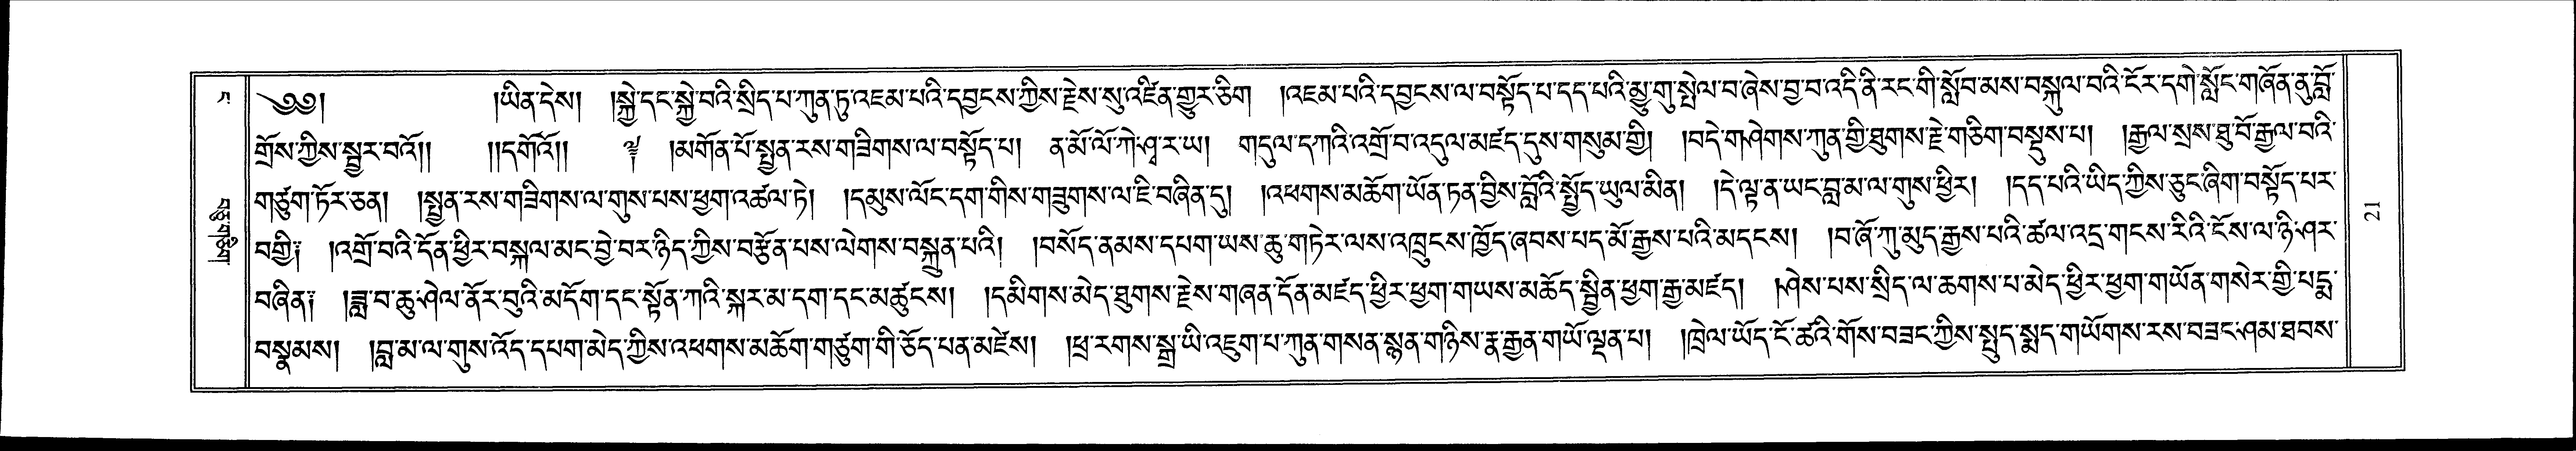༄༅། །ཡིན་དེས། །སྐྱེ་དང་སྐྱེ་བའི་སྲིད་པ་ཀུན་ཏུ་འཇམ་པའི་དབྱངས་ཀྱིས་རྗེས་སུ་འཛིན་གྱུར་ཅིག །འཇམ་པའི་དབྱངས་ལ་བསྟོད་པ་དད་པའི་མྱུ་གུ་སྤེལ་བ་ཞེས་བྱ་བ་འདི་ནི་རང་གི་སློབ་མས་བསྐུལ་བའི་ངོར་དགེ་སློང་གཞོན་ནུ་བློ་
གྲོས་ཀྱིས་སྦྱར་བའོ།། །།དགོའོ།། ༈ །མགོན་པོ་སྤྱན་རས་གཟིགས་ལ་བསྟོད་པ། ན་མོ་ལོ་ཀེ་ཤྭ་ར་ཡ། གདུལ་དཀའི་འགྲོ་བ་འདུལ་མཛད་དུས་གསུམ་གྱི། །བདེ་གཤེགས་ཀུན་གྱི་ཐུགས་རྗེ་གཅིག་བསྡུས་པ། །རྒྱལ་སྲས་ཐུ་བོ་རྒྱལ་བའི་
གཙུག་ཏོར་ཅན། །སྤྱན་རས་གཟིགས་ལ་གུས་པས་ཕྱག་འཚལ་ཏེ། །དམུས་ལོང་དག་གིས་གཟུགས་ལ་ཇི་བཞིན་དུ། །འཕགས་མཆོག་ཡོན་ཏན་བྱིས་བློའི་སྤྱོད་ཡུལ་མིན། །དེ་ལྟ་ན་ཡང་བླ་མ་ལ་གུས་ཕྱིར། །དད་པའི་ཡིད་ཀྱིས་ཅུང་ཞིག་བསྟོད་པར་
བགྱི། །འགྲོ་བའི་དོན་ཕྱིར་བསྐལ་མང་བྱེ་བར་ཉིད་ཀྱིས་བརྩོན་པས་ལེགས་བསྐྲུན་པའི། །བསོད་ནམས་དཔག་ཡས་ཆུ་གཏེར་ལས་འཁྲུངས་ཁྱོད་ཞབས་པད་མོ་རྒྱས་པའི་མདངས། །བ་ཞོ་ཀུ་མུད་རྒྱས་པའི་ཚལ་འདྲ་གངས་རིའི་ངོས་ལ་ཉི་ཤར་
བཞིན། །ཟླ་བ་ཆུ་ཤེལ་ནོར་བུའི་མདོག་དང་སྟོན་ཀའི་སྐར་མ་དག་དང་མཚུངས། །དམིགས་མེད་ཐུགས་རྗེས་གཞན་དོན་མཛད་ཕྱིར་ཕྱག་གཡས་མཆོད་སྦྱིན་ཕྱག་རྒྱ་མཛད། །ཤེས་པས་སྲིད་ལ་ཆགས་པ་མེད་ཕྱིར་ཕྱག་གཡོན་གསེར་གྱི་པདམ་
བསྣམས། །བླ་མ་ལ་གུས་འོད་དཔག་མེད་ཀྱིས་འཕགས་མཆོག་གཙུག་གི་ཅོད་པན་མཛེས། །ཕྲ་རགས་སྒྲ་ཡི་འཇུག་པ་ཀུན་གསན་སྙན་གཉིས་གཉིས་རྣ་རྒྱན་གཡོ་ལྡན་པ། །ཁྲེལ་ཡོད་ངོ་ཚའི་གོས་བཟང་ཀྱིས་སྤུད་སྨད་གཡོགས་རས་བཟང་ཤམ་ཐབས་